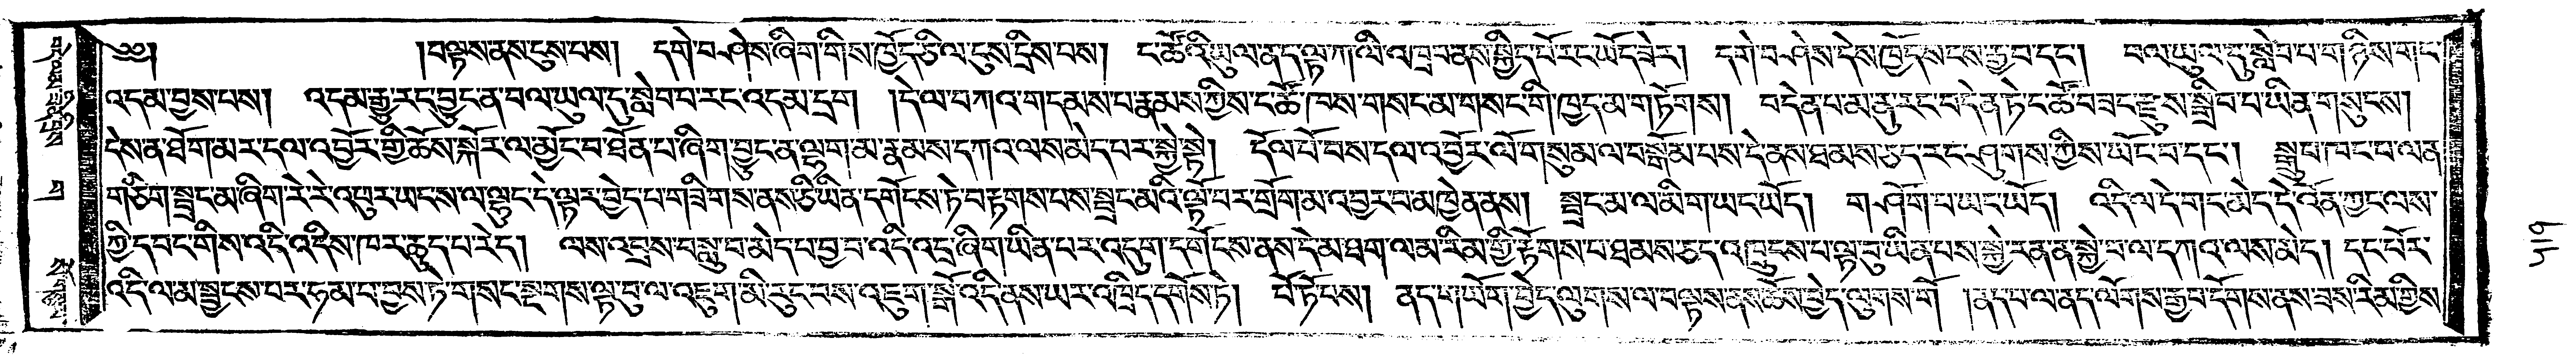༄༅། །བལྟས་ནས་དུས་པས། དགེ་བཤེས་ཞིག་གིས་ཁྱོད་ཅིལ་དུས་དྲིས་བས། ང་ཚོའི་ཡུལ་ན་ད་ལྟ་ཀ་ལི་འཁྲབ་ནས་སྐྱིད་པོ་རང་ཡོད་ཟེར། དགེ་བཤེས་དེས་ཁྱོད་སངས་རྒྱ་བ་དང་། བལ་ཡུལ་དུ་སླེབ་བ་གཉིས་གང་
འདམ་བྱས་བས། འདམ་རྒྱུ་རང་བྱུང་ན་བལ་ཡུལ་དུ་སླེབ་པ་རང་འདམ་དྲ་།དེ་ལ་བཀའ་གདམས་པ་རྣམས་ཀྱིས་ང་ཚོ་ཁས་གསང་མ་གསང་གི་ཁྱད་མ་གཏོགས། བདེན་པ་མ་ནུ་རང་བདེན་ཏེ་ང་ཚོ་བཟང་རྫུས་སྒྲིབ་པ་ཡིན་གསུངས།
དེས་ན་ཐོག་མར་དལ་འབྱོར་གྱི་ཆོས་སྐོར་ལ་མྱོང་བ་ཐོན་པ་ཞིག་བྱུང་ན་ལྷག་མ་རྣམས་དཀའ་ལས་མེད་པར་སྐྱེ་སྟེ། དོལ་པོ་བས་དལ་འབྱོར་ལོ་གསུམ་ལ་བསྒོམ་པས་དེ་ནས་ཐམས་ཅད་རང་ཤུགས་གྱིས་ཡོང་བ་དང་། སྒྲུབ་ཁང་པ་ལན་
གཅིག་སྦྲང་མ་ཞིག་རེ་རེ་འཕུར་ཡང་ལ་ལྷུང་དེ་ལྟར་བྱེད་པ་གཟིགས་ནས་ཅི་ཡིན་དགོངས་ཏེ་བརྟགས་བས་སྦྲང་མའི་ལྟོ་བར་གྲོག་མ་འབྱར་བ་མཁྱེན་ནས། སྦྲང་མ་ལ་མིག་གཡང་ཡོད། གཤོག་པ་ཡང་ཡོད། འདི་ལ་དེ་གང་མེད་དེ་འོན་ཀྱང་ལས་
ཀྱི་དབང་གིས་འདི་འདིས་ཁར་ཆུད་པ་རེད། ལས་འབྲས་བསླུ་བ་མེད་པ་བྱ་བ་འདི་འདྲ་ཞིག་ཡིན་པར་འདུག་དགོངས་ནས་དེ་མ་ཐག་ལམ་རིམ་གྱི་རྟོགས་བ་ཐམས་ཅད་འཁྲུངས་པ་ལྟ་བུ་ཡིན་པས་སྐྱེ་ངན་ན་སྐྱེ་བ་ལ་དཀའ་ལས་མེད། དང་པོར་
འདི་ལམ་སྦྱངས་པར་ཧམ་པ་བྱས་ཏེ་གསང་སྔགས་ལྟ་བུ་ལ་འཇུག་མི་རུང་བས་འཇུག་སྒོ་འདི་ནས་ཡར་འཁྲིད་དགོས་ཏེ། བོ་ཏོ་པས། ནད་གཡོག་བྱེད་ལུགས་ལ་བལྟས་ནས་ཆོས་བྱེད་ལུགས་གོ། །ནད་བ་ལ་ནད་ལོགས་རྒྱ་བ་དགོས་ནས་ཟས་རིམ་གྱིས་